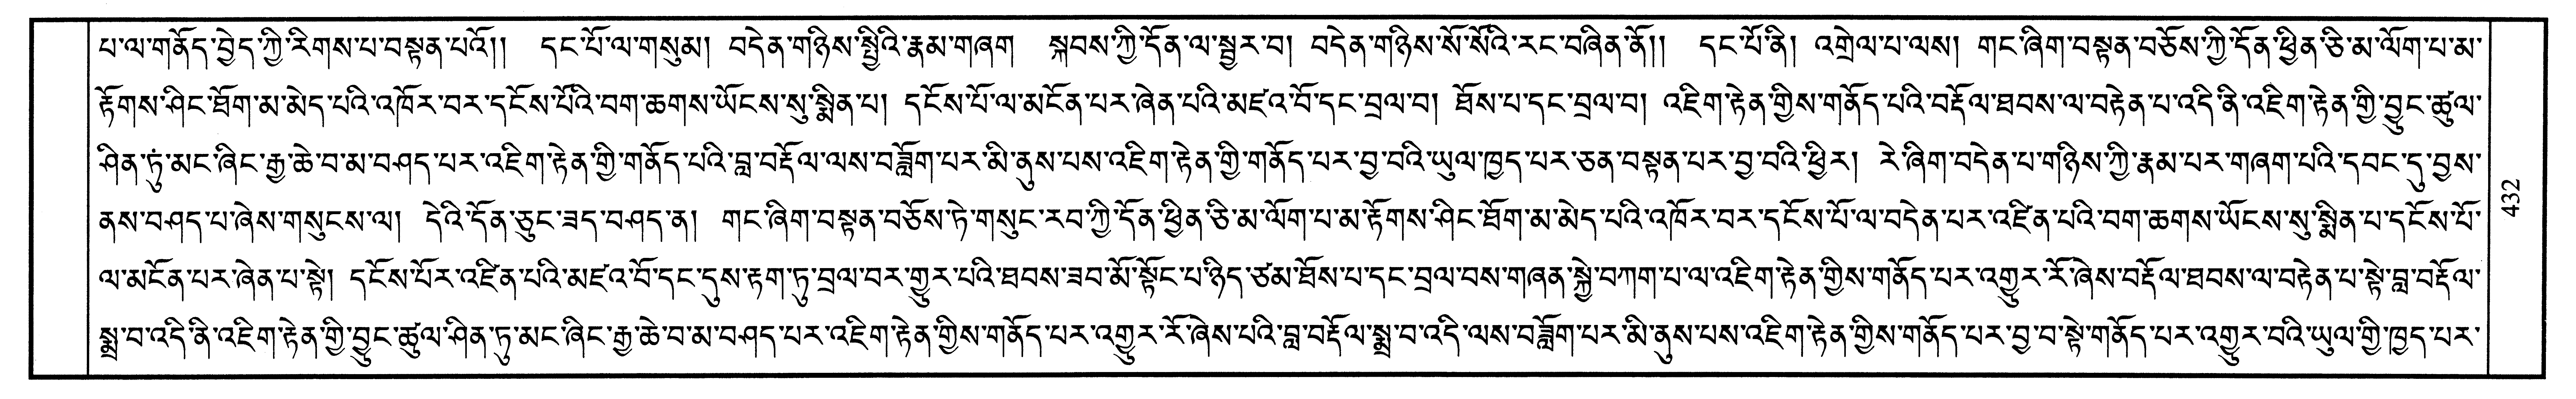པ་ལ་གནོད་བྱེད་ཀྱི་རིགས་པ་བསྟན་པའོ།། དང་པོ་ལ་གསུམ། བདེན་གཉིས་སྤྱིའི་རྣམ་གཞག །སྐབས་ཀྱི་དོན་ལ་སྦྱར་བ། བདེན་གཉིས་སོ་སོའི་རང་བཞིན་ནོ།། དང་པོ་ནི། འགྲེལ་པ་ལས། གང་ཞིག་བསྟན་བཅོས་ཀྱི་དོན་ཕྱིན་ཅི་མ་ལོག་པ་མ་
རྟོགས་ཤིང་ཐོག་མ་མེད་པའི་འཁོར་བར་དངོས་པོའི་བག་ཆགས་ཡོངས་སུ་སྨིན་པ། དངོས་པོ་ལ་མངོན་པར་ཞེན་པའི་མཛའ་བོ་དང་བྲལ་བ། ཐོས་པ་དང་བྲལ་བ། འཇིག་རྟེན་གྱིས་གནོད་པའི་བརྡོལ་ཐབས་ལ་བརྟེན་པ་འདི་ནི་འཇིག་རྟེན་གྱི་བྱུང་ཚུལ་
ཤིན་ཏུ་མང་ཞིང་རྒྱ་ཆེ་བ་མ་བཤད་པར་འཇིག་རྟེན་གྱི་གནོད་པའི་བླ་བརྡོལ་ལས་བཟློག་པར་མི་ནུས་པས་འཇིག་རྟེན་གྱི་གནོད་པར་བྱ་བའི་ཡུལ་ཁྱད་པར་ཅན་བསྟན་པར་བྱ་བའི་ཕྱིར། རེ་ཞིག་བདེན་པ་གཉིས་ཀྱི་རྣམ་པར་གཞག་པའི་དབང་དུ་བྱས་
ནས་བཤད་པ་ཞེས་གསུངས་ལ། དེའི་དོན་ཅུང་ཟད་བཤད་ན། གང་ཞིག་བསྟན་བཅོས་ཏེ་གསུང་རབ་ཀྱི་དོན་ཕྱིན་ཅི་མ་ལོག་པ་མ་རྟོགས་ཤིང་ཐོག་མ་མེད་པའི་འཁོར་བར་དངོས་པོ་ལ་བདེན་པར་འཛིན་པའི་བག་ཆགས་ཡོངས་སུ་སྨིན་པ་དངོས་པོ་
ལ་མངོན་པར་ཞེན་པ་སྟེ། དངོས་པོར་འཛིན་པའི་མཛའ་བོ་དང་དུས་རྟག་ཏུ་བྲལ་བར་གྱུར་པའི་ཐབས་ཟབ་མོ་སྟོང་པ་ཉིད་ཙམ་ཐོས་པ་དང་བྲལ་བས་གཞན་སྐྱེ་བཀག་པ་ལ་འཇིག་རྟེན་གྱིས་གནོད་པར་འགྱུར་རོ་ཞེས་བརྡོལ་ཐབས་ལ་བརྟེན་པ་སྟེ་བླ་བརྡོལ་
སྨྲ་བ་འདི་ནི་འཇིག་རྟེན་གྱི་བྱུང་ཚུལ་ཤིན་ཏུ་མང་ཞིང་རྒྱ་ཆེ་བ་མ་བཤད་པར་འཇིག་རྟེན་གྱིས་གནོད་པར་འགྱུར་རོ་ཞེས་པའི་བླ་བརྡོལ་སྨྲ་བ་འདི་ལས་བཟློག་པར་མི་ནུས་པས་འཇིག་རྟེན་གྱིས་གནོད་པར་བྱ་བ་སྟེ་གནོད་པར་འགྱུར་བའི་ཡུལ་གྱི་ཁྱད་པར་